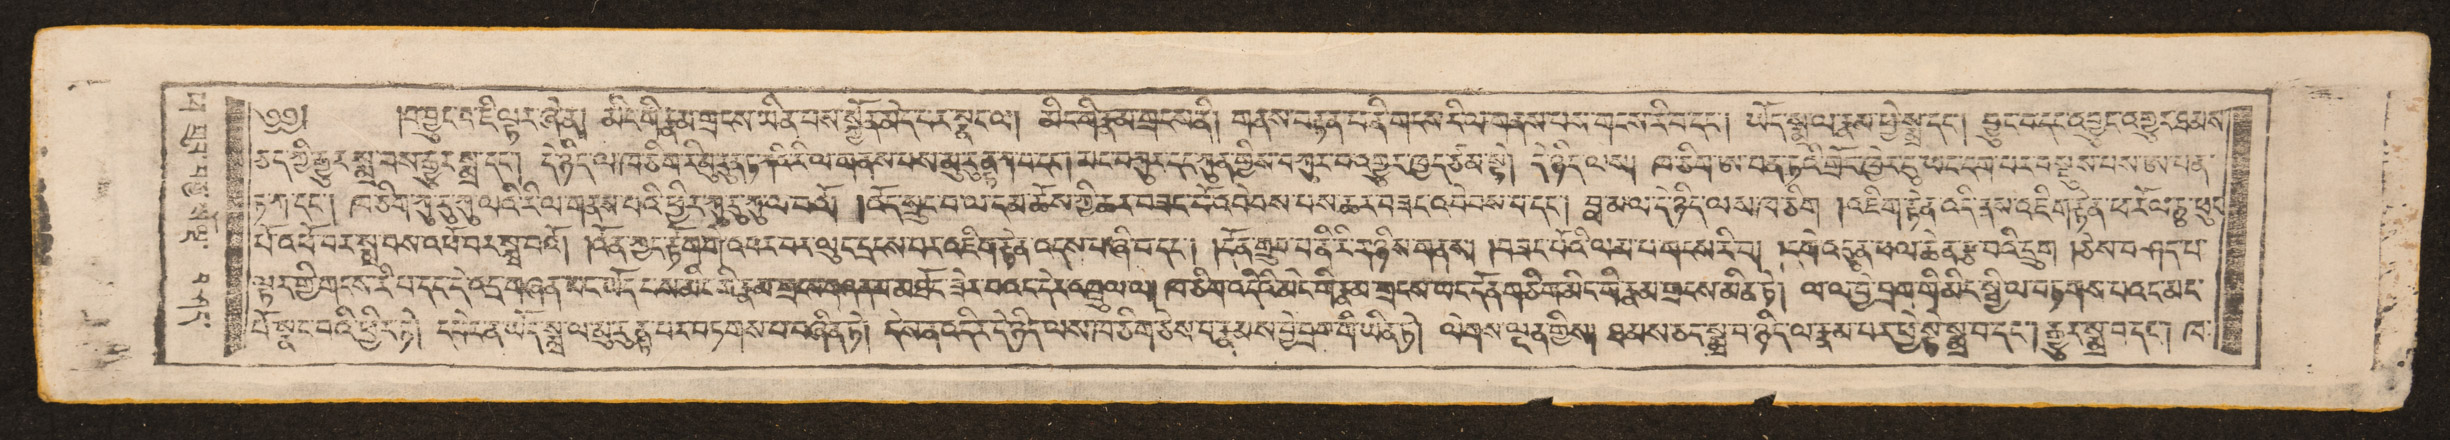༄༅། །བ་བྱུང་བ་ཇི་ལྟར་ཞེ་ན། མིང་གི་རྣམ་གྲངས་ཡིན་པས་སྐྱོན་མེད་པར་སྣང་ལ། མིང་གི་རྣམ་གྲངས་ནི། གནས་བརྟན་པ་ནི་གངས་རི་ལ་གནས་པས་གངས་རི་བ་དང་། ཡོད་སྨྲ་ལ་རྣམ་ཕྱེ་སྨྲ་དང་། བྱུང་བ་དང་འབྱུང་འགྱུར་ཐམས་
ཅད་ཀྱི་རྒྱུར་སྨྲ་བས་རྒྱུར་སྨྲ་དང་། དེ་ཉིད་ལ་ཁ་ཅིག་རི་མུ་རུན་ཏ་ཀའི་རི་ལ་གནས་པས་མུ་རུནྟ་ཀ་བ་དང་། མང་བཀུར་དང་ཀུན་གྱིས་བཀུར་བ་འགྱུར་ཁྱད་ཙམ་སྟེ། དེ་ཉིད་ལས། ཁ་ཅིག་ཨ་བན་ཏའི་གྲོང་ཁྱེར་དུ་ཡང་དག་པར་བསྡུས་པས་ཨ་པན་
ཏ་ཀ་དང་། ཁ་ཅིག་ཀུ་རུ་ཀུ་ལའི་རི་ལ་གནས་པའི་ཕྱིར་ཀུ་རུ་ཀུ་ལ་བའོ། །འོད་སྲུང་བ་ལ་དམ་ཆོས་ཀྱི་ཆར་བཟང་པོ་འབེབས་པས་ཆར་བཟང་འབེབས་པ་དང་། བླ་མ་ལ་དེ་ཉིད་ལས་ཁ་ཅིག །འཇིག་རྟེན་འདི་ནས་འཇིག་རྟེན་ཕ་རོལ་ཏུ་ཕུང་
པོ་འཕོ་བར་སྨྲ་པས་འཕོ་བར་སྨྲ་བའོ། །འོན་ཀྱང་རྟོག་གེ་འཕར་བར་ལུང་དྲངས་པར་འཇིག་རྟེན་འདས་པ་ཞི་བ་དང་། །དོན་གྲུབ་པ་ནི་རི་གཉིས་གནས། །བཟང་པོའི་ལམ་པ་གངས་རི་བ། །དགེ་འདུན་ཕལ་ཆེན་རྩ་བའི་དྲུག །ཅེས་བཤད་པ་
ལྟར་གྱི་གངས་རི་པ་དང་དེ་འདྲ་གཞན་ཡང་ཡོད་པས་མིང་གི་རྣམ་གྲངས་གཞན་མ་མཐོང་ཟེར་བའང་དེར་འཁྲུལ་ལ། ཁ་ཅིག་འདིའི་མིང་གི་རྣམ་གྲངས་ཡང་དོན་གཅིག་མིང་གི་རྣམ་གྲངས་མིན་ཏེ། ལ་ལ་བྱེ་བྲག་གི་མིང་སྤྱི་ལ་བཏགས་པའང་མང་
པོ་སྣང་བའི་ཕྱིར་ཏེ། དཔེར་ན་ཡོད་སྨྲ་ལ་མུ་རུནྟ་བར་བཏགས་པ་བཞིན་ཏེ། དེས་ན་འདིར་དེ་ཉིད་ལས་ཁ་ཅིག་ཅེས་པ་རྣམས་བྱེ་བྲག་གི་ཡིན་ཏེ། ལེགས་ལྡན་གྱིས། ཐམས་ཅད་སྨྲ་བ་ཉིད་ལ་རྣམ་པར་ཕྱེ་སྟེ་སྨྲ་བ་དང་། རྒྱུར་སྨྲ་བ་དང་། ཁ་